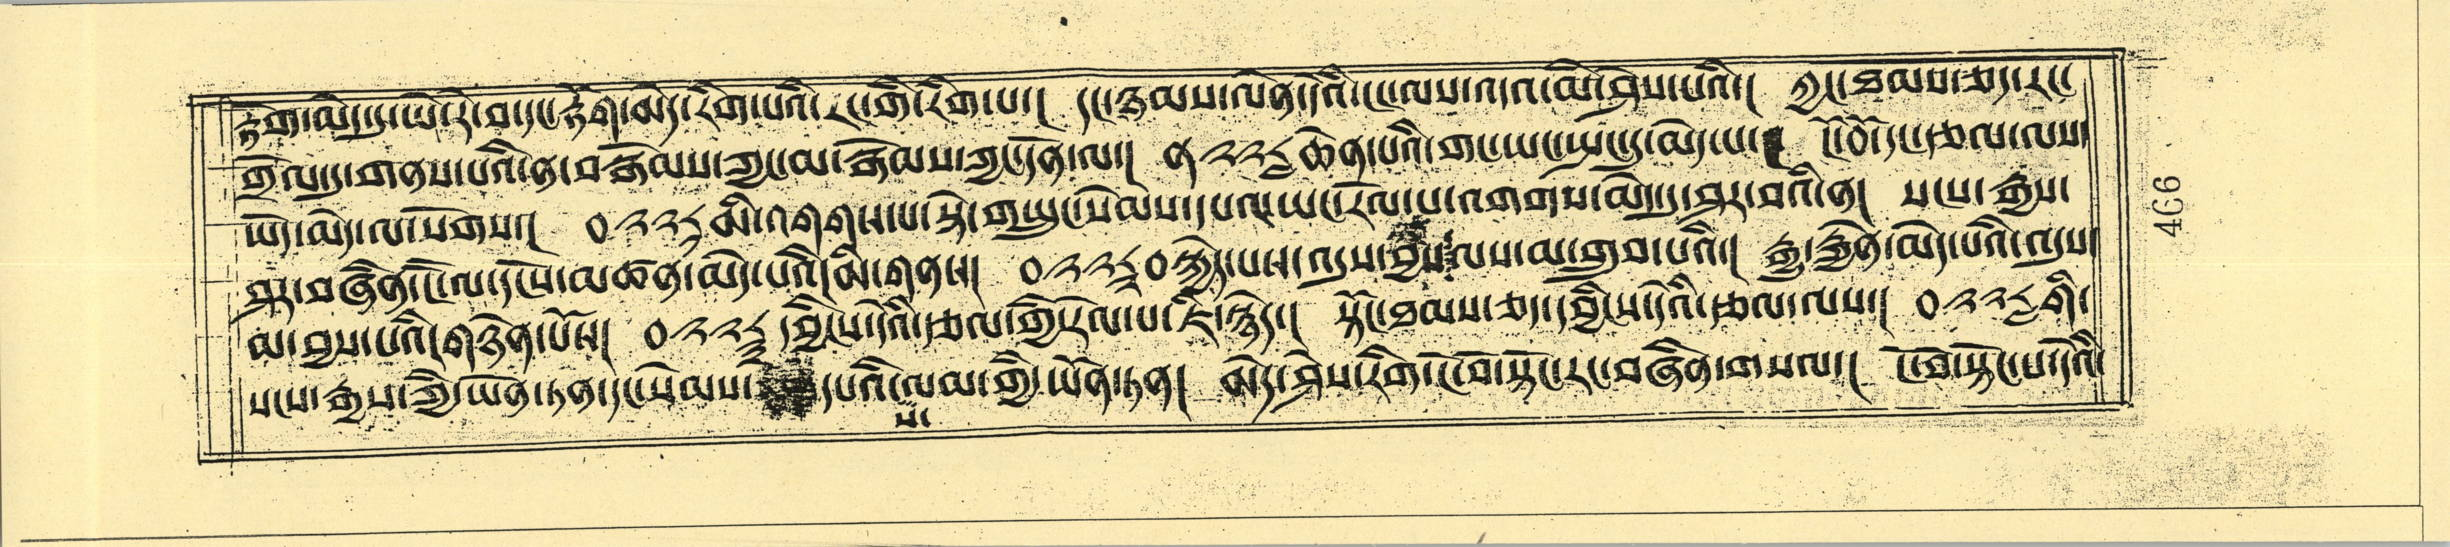རྟོག་མེད་དུ་ཡེ་རེ་བ་དང་༼རྟོག་མེད༽རིག་པའི་རང་གི་རིག་པ་དང་ཉམས་ལེན་དེའི་ངང་ལས་འདའ་ནི་ཤེས་པའི་ཀྱང་ཐམས་ཅད་རང་
གྲོལ་དུ་གནས་པས་ན་བསྒོམས་ཀྱང་མ་བསྒོམས་ཀྱང་དོན་ལ་ན༢༢༨།༤༼ཆེན་པའི༽གང་ཡང་སྤང་དུ་མེད་པ་༼ངོ་བོ་༽དང་རྩལ་ལས་
ཡོད་མེད་ལ་སོགས་བ༢༢༨།༡༼མི་འགག་པ་སྟེ༽གཡུང་དྲུང་སེམས་དཔའ་ཡང་རོལ་པ་འགག་མེད་དུ་ཤར་བས་ན། སངས་རྒྱས་
ཤར་བཞིན་ངོ་བོ་ལ་དངོས་མཚན་མེད་པས་༼མི་གནས༽བ༢༢༨།༢༼བསྐྱེད་པས༽འདུས་བྱས་ལས་མ་གྲུབ་པའི་རྒྱུ་རྐྱེན་མེད་པའི་འདུས་
མ་བྱས་པའི་༼གཉེན་པོས༽བ༢༢༨།༣དབྱིངས་དེའི་རྩལ་གྱི་རོལ་པ་ཇི་སྙེད་སྟོང་ཐམས་ཅད་དབྱིངས་དེའི་རྩལ་ལས་བ༢༢༨།༤༼གི༽
སངས་རྒྱས་ཀྱི་ཡོན་ཏན་དང་སེམས་དཔའི་ས་ལམ་གྱི་ཡོན་ཏན་༼མེད༽ཤེས་རིག་ངོ་བོ་སྟོང་རང་བཞིན་གསལ་ངོ་བོ་སྟོང་པ་དེས་